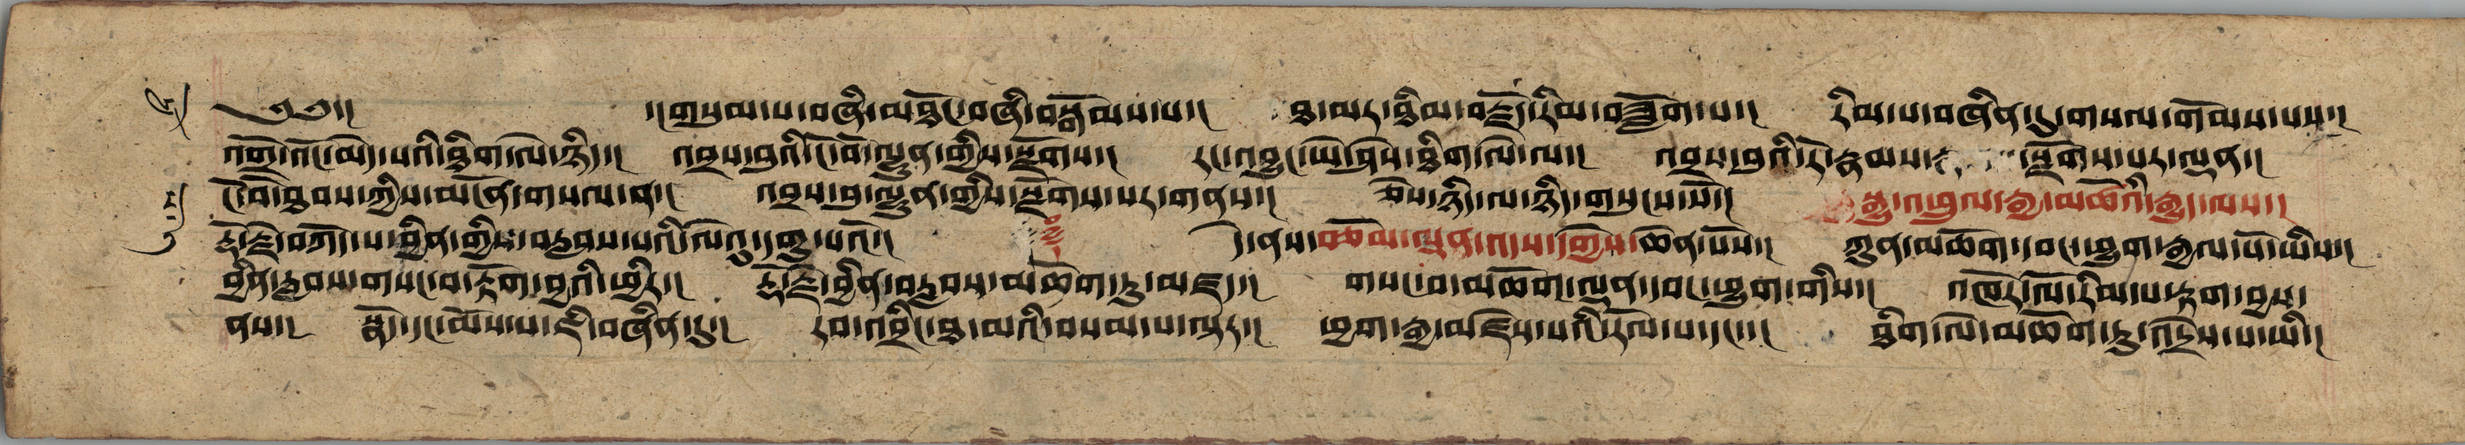༄༅་། ་།གསུམ་པ་བཞི་མཐོང་བཞི་བསྒོམས་པ་། ཐ་མར་ཐིམ་བརྗོད་རིམ་བཟློག་པ་། རིམ་པ་བཞིན་དུ་གསལ་གོམས་པས་།
འགྲོ་འོང་མེད་པའི་ཐིག་ལེ་ཉིད་། འབྲས་བུའི་ངོ་བོ་ལྷུན་གྱིས་སྫཽགས་། རང་འབྱུང་ཡེ་ཤེས་ཐིག་ལེ་ལ་། འབྲས་བུའི་རེ་རྣམས་ སྫོགས་པར་ལྡན་།
ངོ་བོ་ཐབས་ཀྱིས་མངོན་གསལ་ན་། འབྲས་བུ་ལྷུན་གྱིས་སྫོགས་པར་གནས་། ཅེས་ཉིད་ལ་ཉིད་གསུངས་སོ་། སྒྱུ་འཕྲུལ་རྒྱ་མཚོའི་རྒྱུད་ལས་།
རྡོ་རྗེ་བཀོད་པ་བྱིན་གྱིས་བརླབས་པའི་ལེའུ་དགུ་པའོ་། ࿑ དེ་ནས་བཅོམ་ལྡན་འདས་དགྱེས་ཆེན་པོས་། ཀུན་མཆོག་དབང་ཕྱུག་རྒྱལ་པོ་ཡིས་།
བྱིན་རླབས་གསང་བ་རྟོག་བྱའི་ཕྱིར་། རྡོ་རྗེ་བྱིན་བརླབས་མཆོག་ཏུ་མཛད་། གསང་བ་མཆོག་ལྡན་དབང་ཕྱུག་གིས་། འཁོར་ལོ་རིམ་པ་རྟག་བྱས་
ནས་། སྣོད་དང་མོས་པ་ཇི་བཞིན་དུ་། རབ་འབྲིང་ཐ་མའི་བསམ་པ་ལྟར་། ཕྱག་རྒྱ་མཛེས་པའི་རོལ་པ་དང་། ཐིག་ལེ་མཆོག་ཏུ་འདྲེས་པ་ཡི་།